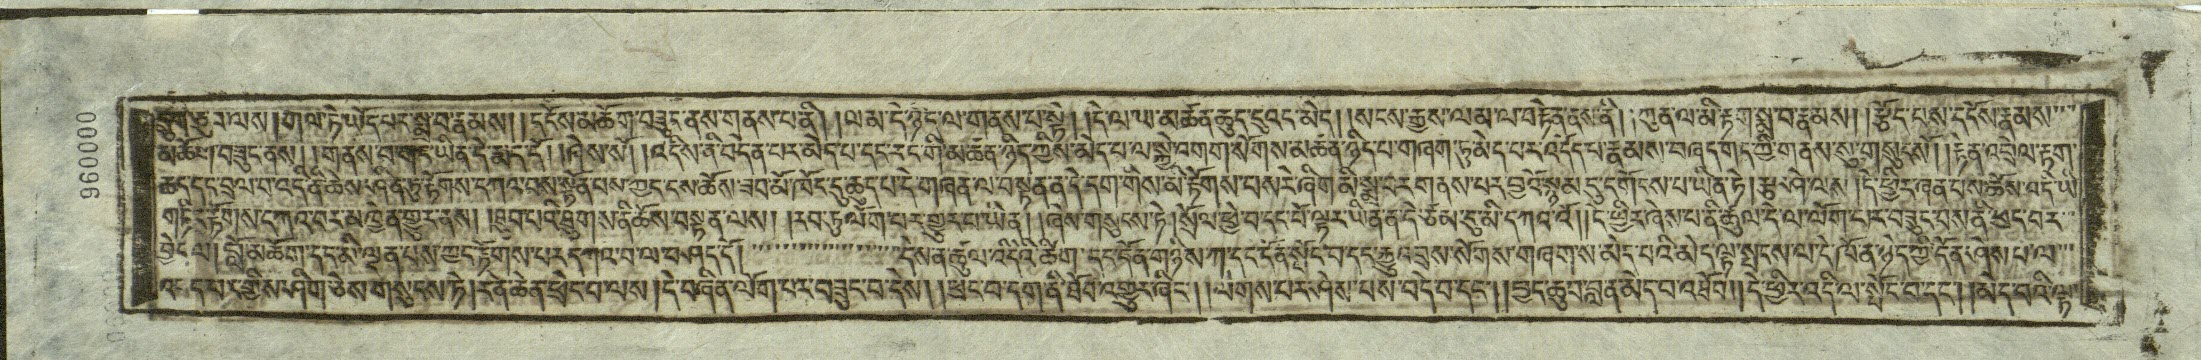དྲུག་ཅུ་པ་ལས། གལ་ཏེ་ཡོད་པར་སྨྲ་བ་རྣམས། །དངོས་མཆོག་བཟུང་ནས་གནས་པ་ནི། །ལམ་དེ་ཉིད་ལ་གནས་པ་སྟེ། །དེ་ལ་ཡ་མཚན་ཆུང་ངུའང་མེད། །སངས་རྒྱས་ལམ་ལ་བརྟེན་ནས་ནི། །ཀུན་ལ་མི་རྟག་སྨྲ་བ་རྣམས། །རྩོད་པས་དངོས་རྣམས་
མཆག་བཟུང་ནས། །གནས་པ་གང་ཡིན་དེ་རྨད་དོ། །ཞེས་སོ། །འདིས་ནི་བདེན་པར་མེད་པ་དང་རང་གི་མཚན་ཉིད་ཀྱིས་མེད་པ་ལ་སྐྱེ་འགག་སོགས་མཚན་ཉིད་པ་གཞག་ཏུ་མེད་པར་འདོད་པ་རྣམས་བཞད་གད་ཀྱི་གནས་སུ་གསུངས་སོ། །རྟེན་འབྲེལ་རྟག་
ཆད་དང་བྲལ་བ་འདི་ནི་ཆེས་ཤིན་ཏུ་རྟོགས་དཀའ་བས་སྟོན་པས་ཀྱང་ངས་ཆོས་ཟབ་མོ་ཁོང་དུ་ཆུད་པ་དེ་གཞན་ལ་བསྟན་ན་དེ་དག་གིས་མི་རྟོགས་པས་རེ་ཞིག་མི་སྨྲ་བར་གནས་པར་བྱའོ་སྙམ་དུ་དགོངས་པ་ཡིན་ཏེ། རྩ་ཤེ་ལས། དེ་ཕྱིར་ཞན་པས་ཆོས་འདི་ཡི་
གཏིང་རྟོགས་དཀའ་བར་མཁྱེན་གྱུར་ནས། །ཐུབ་པའི་ཐུགས་ནི་ཆོས་བསྟན་ལས། །རབ་ཏུ་ལོག་པར་གྱུར་པ་ཡིན། །ཞེས་གསུངས་ཏེ། སྲོལ་ཕྱེ་བ་དང་པོ་ལྟར་ཡིན་ན་དེ་ཙམ་དུ་མི་དཀའ་འོ། །དེ་ཕྱིར་ཞེས་པ་ནི་ཚུལ་དེ་ལ་ལག་པར་བཟུང་བས་ནི་ཕུང་བར་
བྱེད་ལ། བློ་མཆོག་དང་མི་ལྡན་པས་ཀྱང་རྟོགས་པར་དཀའ་བ་ལ་བཤད་དོ། དེས་ན་ཚུལ་འདིའི་ཚིག་དང་དོན་གཉིས་ཀ་དང་དོན་སྤོང་བ་དང་རྒྱུ་འབྲས་སོགས་གཞགས་མེད་པའི་མེད་ལྟ་སྤངས་ལ་དེ་ཁོ་ན་ཉིད་ཀྱི་དོན་ཤེས་པ་ལ་
འབད་པར་གྱིས་ཤིག་ཅེས་གསུངས་ཏེ། རིན་ཆེན་ཕྲེང་བ་ལས། དེ་བཞིན་ལོག་བར་བཟུང་བ་དེས། །ཕུང་བ་དག་ནི་ཐོབ་འགྱུར་ཞིང་། །ལེགས་པར་ཤེས་པས་བདེ་བ་དང་། །བྱང་ཆུབ་བླ་ན་མེད་པ་འཐོབ། །དེ་ཕྱིར་འདི་ལ་སྤོང་བ་དང་། །མེད་པའི་ལྟ་